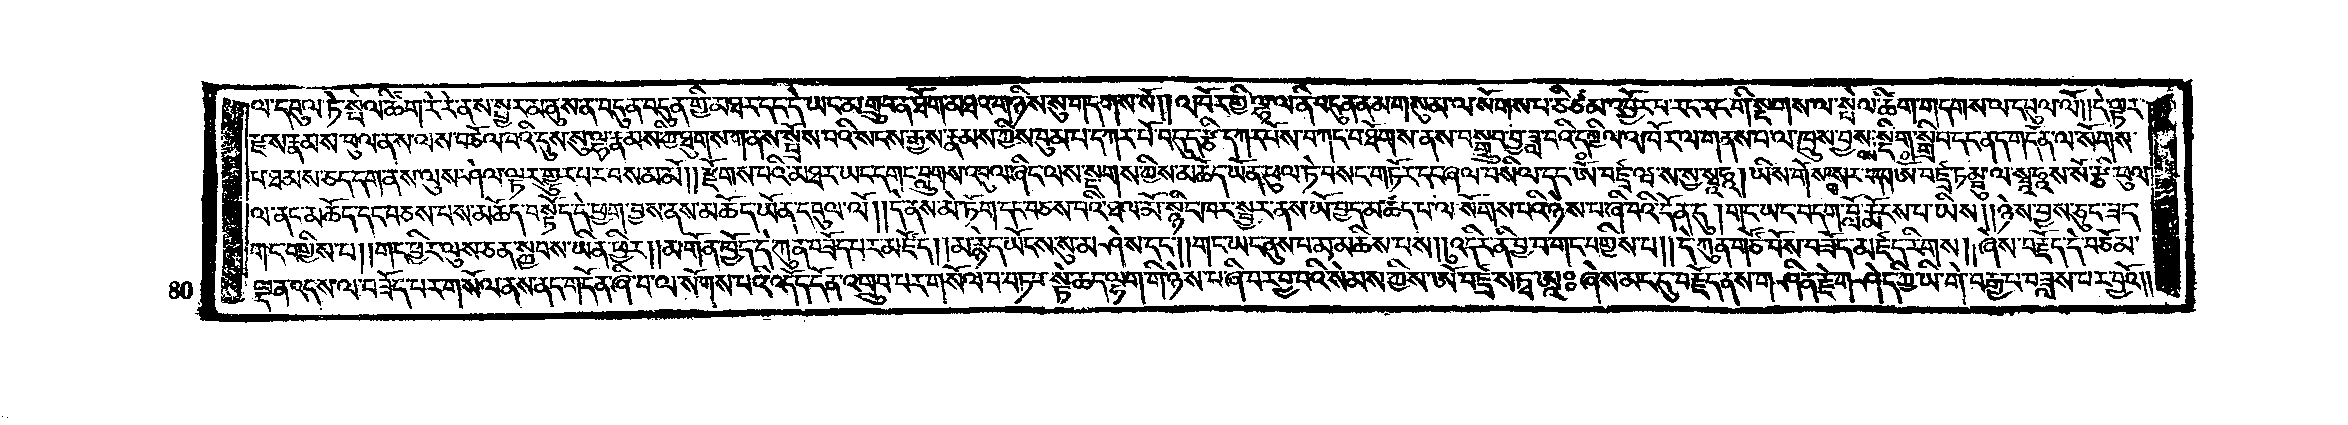ལ་དབུལ་ཏེ་སྤེལ་ཚིག་རེ་རེ་ནས་སྤྱར་མ་ནུས་ན་བདུན་བདུན་གྱི་མཐར་དང་དེ་ཡང་མ་གྲུབ་ན་ཐོག་མཐའ་གཉིས་སུ་གདགས་སོ། །འཁོར་གྱི་ལྷ་ལ་ནི་བདུན་ནམ་གསུམ་ལ་སོགས་པ་ཅི་ཙམ་འབྱོར་པ་རང་རང་གི་སྔགས་ལ་སྤེལ་ཚིག་གདགས་ལ་དབུལ་ལོ། །དེ་ལྟར་
རྫས་རྣམས་ཕུལ་ནས་ལས་བཅོལ་བའི་དུས་སུ་ལྷ་རྣམས་ཀྱི་ཐུགས་ཀ་ནས་སྤྲོས་པའི་སངས་རྒྱས་རྣམས་ཀྱིས་བུམ་པ་དཀར་པོ་བདུད་རྩི་དཀར་པོས་བཀང་བ་ཐོགས་ནས་བསྒྲུབ་བྱ་ཟླ་བའི་དཀྱིལ་འཁོར་ལ་གནས་པ་ལ་ཁྲུས་བྱས་པས་སྡིག་སྒྲིབ་དང་ནད་གདོན་ལ་སོགས་
པ་ཐམས་ཅད་དག་ནས་ལུས་ཤེལ་ལྟར་གྱུར་པར་བསམ་མོ། །རྫོགས་པའི་མཐར་ཡང་དགང་བླུགས་འབུལ་ཞིང་ལས་སྔགས་ཀྱིས་མཆོད་ཡོན་ཕུལ་ཏེ་བསང་གཏོར་དང་ཞལ་བསིལ་དང་ཨོཾ་བཛྲ་ཝ་ས་སྱ་སྭཱ་ཧཱ། ཡིས་གོས་གསར་པ་དང་། ཨོཾ་བཛྲ་ཏམྦུ་ལ་སྭཱ་ཧཱ་ས་སོ་རྩི་ཕུལ་
ལ་ནང་མཆོད་དང་བཅས་པས་མཆོད་བསྟོད་དེ་ཕྱག་བྱས་ནས་མཆོད་ཡོན་དབུལ་ལོ། །དེ་ནས་མེ་ཏོག་དང་བཅས་པའི་ཐལ་མོ་སྙིང་ཁར་སྦྱར་ནས་ཡོ་བྱད་མ་ཚད་པ་ལ་སོགས་པའི་ཉེས་པ་ཞི་བའི་དོན་དུ། གང་ཡང་བདག་བློ་རྨོངས་པ་ཡིས། །ཉེས་བྱས་ཅུང་ཟད་
གང་བགྱིས་པ། །གང་ཕྱིར་ལུས་ཅན་སྐྱབས་ཡིན་ཕྱིར། །མགོན་ཁྱོད་དེ་ཀུན་བཟོད་པར་མཛོད། །མ་རྙེད་ཡོངས་སུ་མ་ཤེས་དང་། །གང་ཡང་ནུས་པ་མ་མཆིས་པས། །འདིར་ནི་བྱ་བ་གང་བགྱིས་པ། །དེ་ཀུན་གཙོ་བོས་བཟོད་མཛད་རིགས། །ཞེས་བརྗོད་དེ་བཅོམ་
ལྡན་འདས་ལ་བཟོད་པར་གསོལ་ནས་ནད་གདོན་ཞི་བ་ལ་སོགས་པའི་འདོད་དོན་འགྲུབ་པར་གསོལ་བ་བཏབ་སྟེ་ཆད་ལྷག་གི་ཉེས་པ་ཞི་བར་བྱ་བའི་སེམས་ཀྱིས་ཨོཾ་བཛྲ་སྟྭ་ཨཱཿ ཞེས་མང་དུ་བརྗོད་ནས་གཤིན་རྗེ་གཤེད་ཀྱི་ཡི་གེ་བརྒྱ་པ་བཟླས་པར་བྱའོ། །